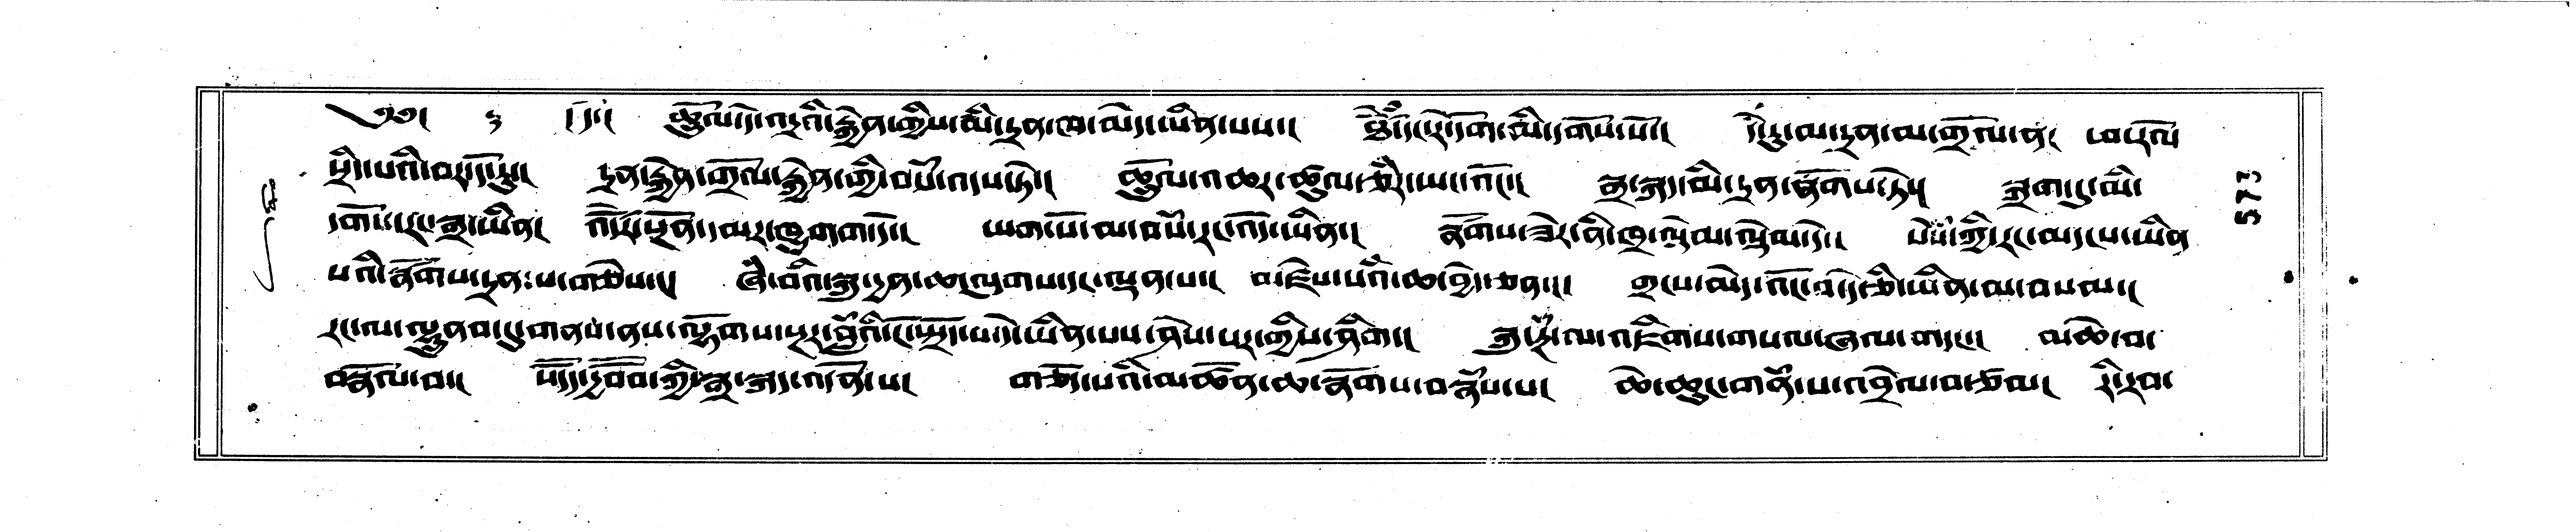༼ངས༽བཤད་དོ། ཆོ་འཕྲུལ་དེ་འདྲའི་རྐྱེན་གྱི་མི་དྲན་ཁ་མེད་ཡིན་པས། ཐེ་ཚོམ་དང་རེ་དོགས་རྩི་མི་དགོས་སོ། དེ་རུ་མ་དྲན་མ་གྲོལ་ན། ཕ་རོལ་
སྲིད་པའི་བར་དོ་རུ། དྲན་རྐྱེན་གྲོལ་རྐྱེན་བསམ་འདས་ཏེ། ཆོ་འཕྲུལ་འཆར་ཚུལ་ཅི་ཡང་འོང་། སྒྲ་སྐད་མི་འདྲ་སྣ་ཚོགས་ཏེ། སྐྲག་ཏུ་མི་
དགོས་རང་སྒྲ་ཡིན། འོད་ཟེར་སྔོན་དམར་ཁྱུག་ཁྱུག་དེ། ཡག་པོ་མ་བསམ་རང་འོད་ཡིན། སྣ་ཚོགས་ཟེར་ནི་ཁྲ་ལྡེམ་ལྡེམ། སེམས་ཀྱི་རང་མདངས་ཡིན་
པའི་༼པས༽ངོ་སྤྲོད་དྲན་པ་གཅེས། ཞི་བའི་སྐུ་བརྒྱན་ཆ་ལུགས་དང་ལྡན་པ། མཛེས་པའི་ཆ་བྱད་ཅན། གྲངས་མེད་འོང་བ་དེ་ཅི་ཡིན་མི་བསམ། 
རང་ལ་ལྷུན་གྲུབ་དུ་གནས་པས། ལྷ་ཚོགས་སྔར་བླ་མའི་ངོ་སྤྲོད་པ་དེ་ཡིན་པས་ཤེས་པར་གྱིས་ཤིག སྐུ་རྔམ་ལ་འཇིགས་གསལ་ཞལ་གདངས། མཆེ་བ་
བསྣོལ་བ། སོད་སོད་རྒྱོབ་རྒྱོབ་ཀྱི་སྒྲ་སྐད་འདོན་པ། གཅོད་པའི་མཚོན་ཆ་སྣ་ཚོགས་བསྣམས་པ། ཆེ་ཆུང་གནམ་ས་འབྲེལ་བ་ཙམ། རི་རབ་ཙམ་